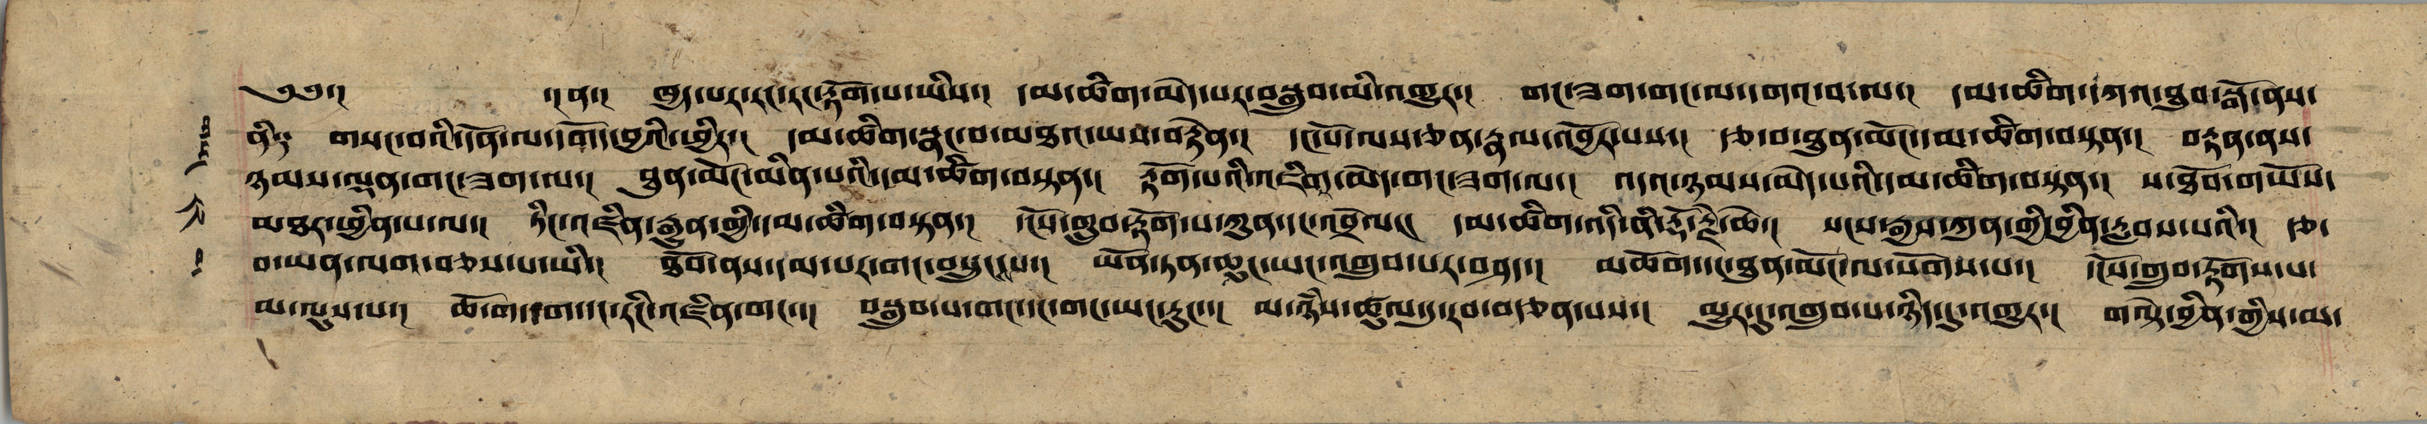༄༅་། ་།ན་། ཁྱད་པར་རང་རང་རྟོག་པ་ཡིས་། དམ་ཚིག་མེད་པར་བསྒྲུབ་མི་འགྱུར་། གང་ཟག་གང་ལ་དགའ་བ་ལ་། དམ་ཚིག་དཀའ་ཐུབ་སྒོ་ནས་
ནི༑ གསང་བའི་དོན་ལ་དགོད་བྱའི་ཕྱིར་། དམ་ཚིག་སྣང་བ་མཐའ་ཡས་བརྟེན་། དང་པོ་ལས་ཅན་རྣལ་འབྱོར་པས་། རྩ་བ་ཐུན་མོང་དམ་ཚིག་བསྟན་། བརྟན་ནས་
ཉམས་ལྡན་གང་ཟག་ལ་། ཐུན་མོང་མིན་པའི་དམ་ཚིག་བསྟན་། རྟོག་པའི་འཇིགས་མེད་གང་ཟག་ལ་། འདའ་ཉམས་མེད་པའི་དམ་ཚིག་བསྟན་། ས་ཐོབ་གཡོས་
མཐར་ཕྱིན་པ་ལ་། ཏིང་འཛིན་རྒྱུན་གྱི་དམ་ཚིག་བསྟན་། དངོས་གྲུབ་རྟོག་པ་ཀུན་དང་འབྲེལ།། དམ་ཚིག་འདི་ནི་རྡོ་རྗེ་ཆེ་། སངས་རྒྱས་ཀུན་གྱི་བྱིན་རླབས་པའི་། རྩ་
བ་ཡན་ལག་བཅས་པ་ཡི་། ཐོབ་ནས་དམ་པར་གང་བསྲུངས་པ་། ཡོན་ཏན་ཆུང་ཡང་འགྲུབ་པར་བཤད་། མཆོག་དང་ཐུན་མོང་ལ་སོགས་པ་། དངོས་གྲུབ་རྟོགས་པ་
མ་ལུས་པ་། ཆོ་ག་དག་དང་ཏིང་འཛིན་གང་་། བསྒྲུབ་པ་གང་དང་གང་ཡང་རུང་་། མ་ཉཾས་ཚུལ་དུ་རབ་བརྩན་པས་། མྱུར་དུ་འགྲུབ་པ་ཉིད་དུ་འགྱུར་། གལྟེ་བྱིན་གྱིས་མ་